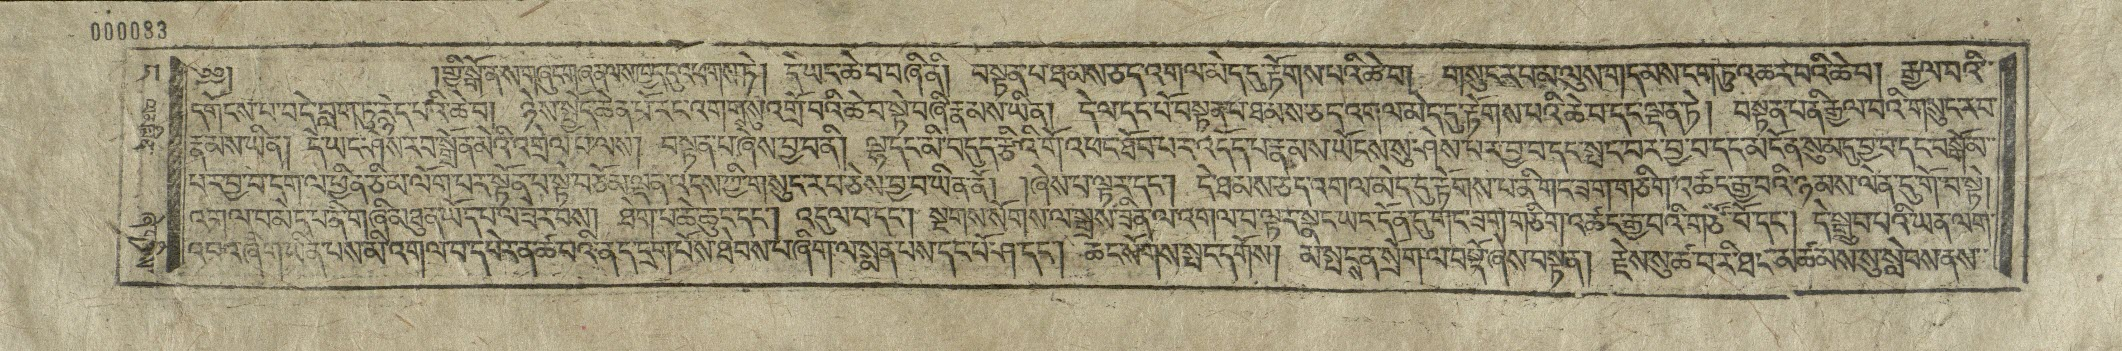༄༅། །གྱི་སྒོ་ནས་གཞུང་གཞན་ལས་ཁྱད་དུ་འཕགས་ཏེ། དེ་ཡང་ཆེ་བ་བཞི་ནི། བསྟན་པ་ཐམས་ཅད་འགལ་མེད་དུ་རྟོགས་པའི་ཆེ་བ། གསུང་རབ་མ་ལུས་གདམས་ངག་ཏུ་འཆར་བའི་ཆེ་བ། རྒྱལ་བའི་
དགོངས་པ་བདེ་བླག་ཏུ་རྙེད་པའི་ཆེ་བ། ཉེས་སྤྱོད་ཆེན་པོ་རང་འགག་སུ་འགྲོ་བའི་ཆེ་བ་སྟེ་བཞི་རྣམས་ཡིན། དེ་ལ་དང་པོ་བསྟན་པ་ཐམས་ཅད་འགལ་མེད་དུ་རྟོགས་པའི་ཆེ་བ་དང་ལྡན་ཏེ། བསྟན་པ་ནི་རྒྱལ་བའི་གསུང་རབ་
རྣམས་ཡིན། དེ་ཡང་ཤེས་རབ་སྒྲོན་མེའི་འགྲེལ་པ་ལས། བསྟན་པ་ཞེས་བྱ་བ་ནི། ལྷ་དང་མི་བདུད་རྩིའི་གོ་འཕང་ཐོབ་པར་འདོད་པ་རྣམས་ཡོངས་སུ་ཤེས་པར་བྱ་བ་དང་སྤང་བར་བྱ་བ་དང་མངོན་སུམ་དུ་བྱ་བ་དང་བསྒོམ་
པར་བྱ་བ་དག་ལ་ཕྱིན་ཅི་མ་ལོག་པར་སྟོན་པ་སྟེ་བཅོམ་ལྡན་འདས་ཀྱི་གསུང་རབ་ཅེས་བྱ་བ་ཡིན་ནོ། །ཞེས་པ་ལྟར་དང་། དེ་ཐམས་ཅད་འགལ་མེད་དུ་རྟོགས་པ་ནི་གང་ཟག་གཅིག་འཚང་རྒྱ་བའི་ཉམས་ལེན་དུ་གོ་བ་སྟེ།
འགལ་བ་མེད་པ་ནི་གཞི་མཐུན་ཡོད་པ་ལ་ཟེར་བས། ཐེག་པ་ཆེ་ཆུང་དང་། འདུལ་བ་དང་། སྔགས་སོགས་ལ་སྒྲས་ཟིན་ལ་འགལ་བ་ལྟར་སྣང་ཡང་དོན་དུ་གང་ཟག་གཅིག་འཚང་རྒྱ་བའི་གཙོ་བོ་དང་། དེ་སྒྲུབ་པའི་ཡན་ལག་
འབའ་ཞིག་ཡིན་པས་མི་འགལ་བ་དཔེར་ན་ཚ་བའི་ནད་དྲག་པོས་ཐེབས་པ་ཞིག་ལ་སྨན་པས་དང་པོ་ཤ་དང་། ཆང་སོགས་སྤང་དགོས། མ་སྤངས་ན་སྲོག་ལ་བསྡོ་ཞེས་བསྟན། རྗེས་སུ་ཚ་བ་རི་ཐང་མ་ཚམས་སུ་སླེབས་ནས་